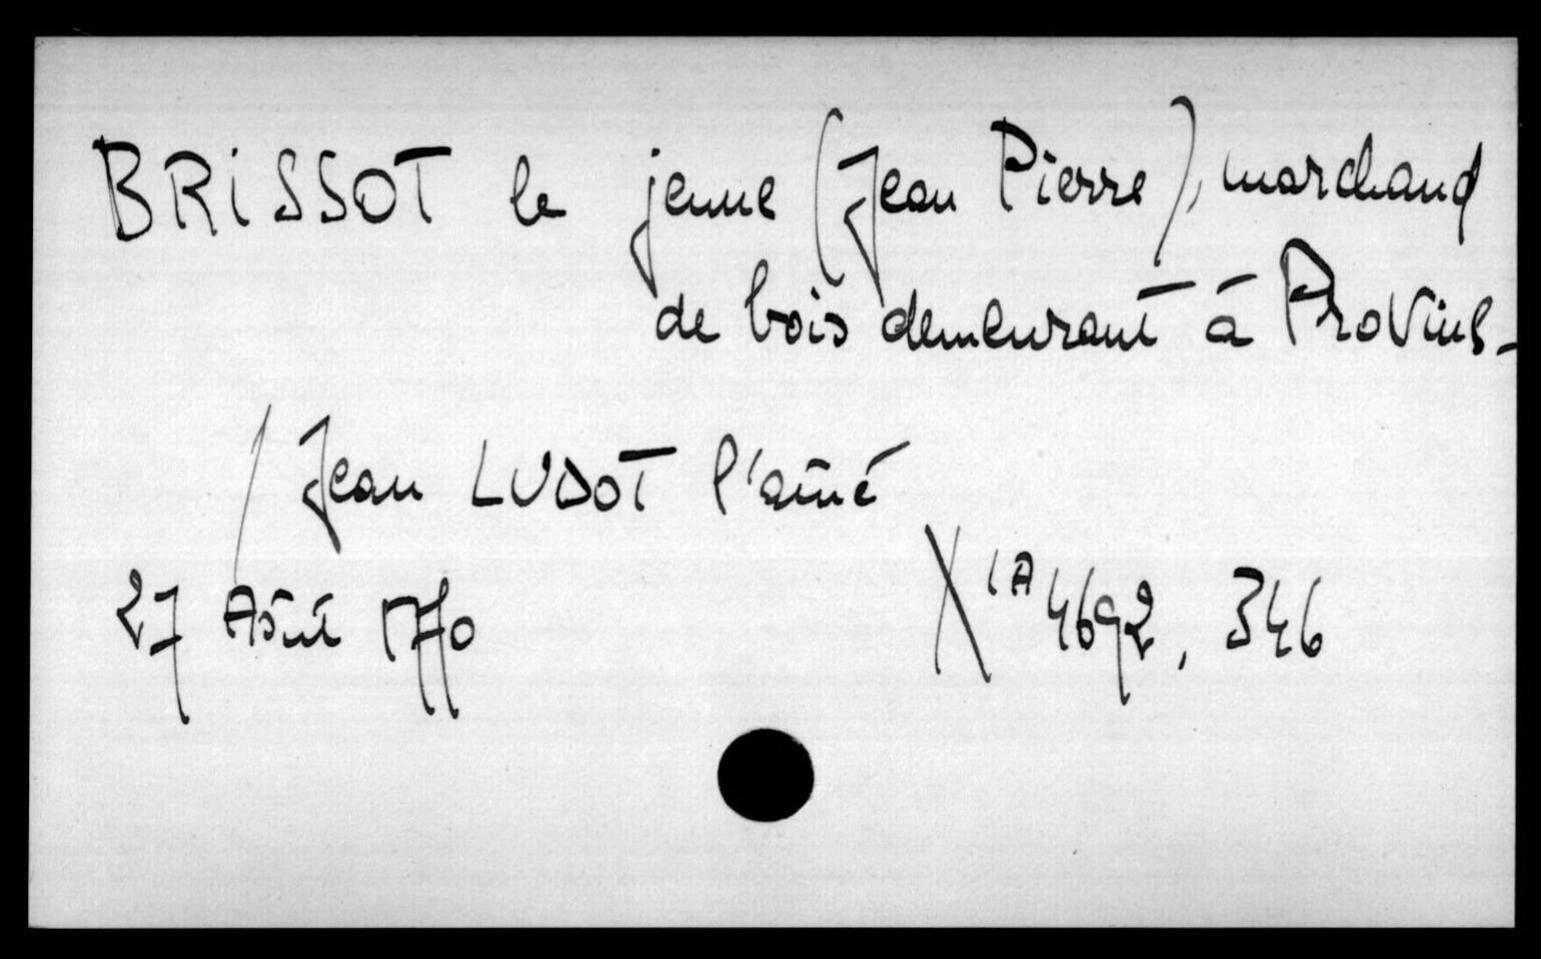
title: BRISSOT le jeune (Jean Pierre), marchand de bois demeurant à Provins
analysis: Contre Jean LUDot l'aîné
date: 27 août 1770
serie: X1A
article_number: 4692
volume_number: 346
